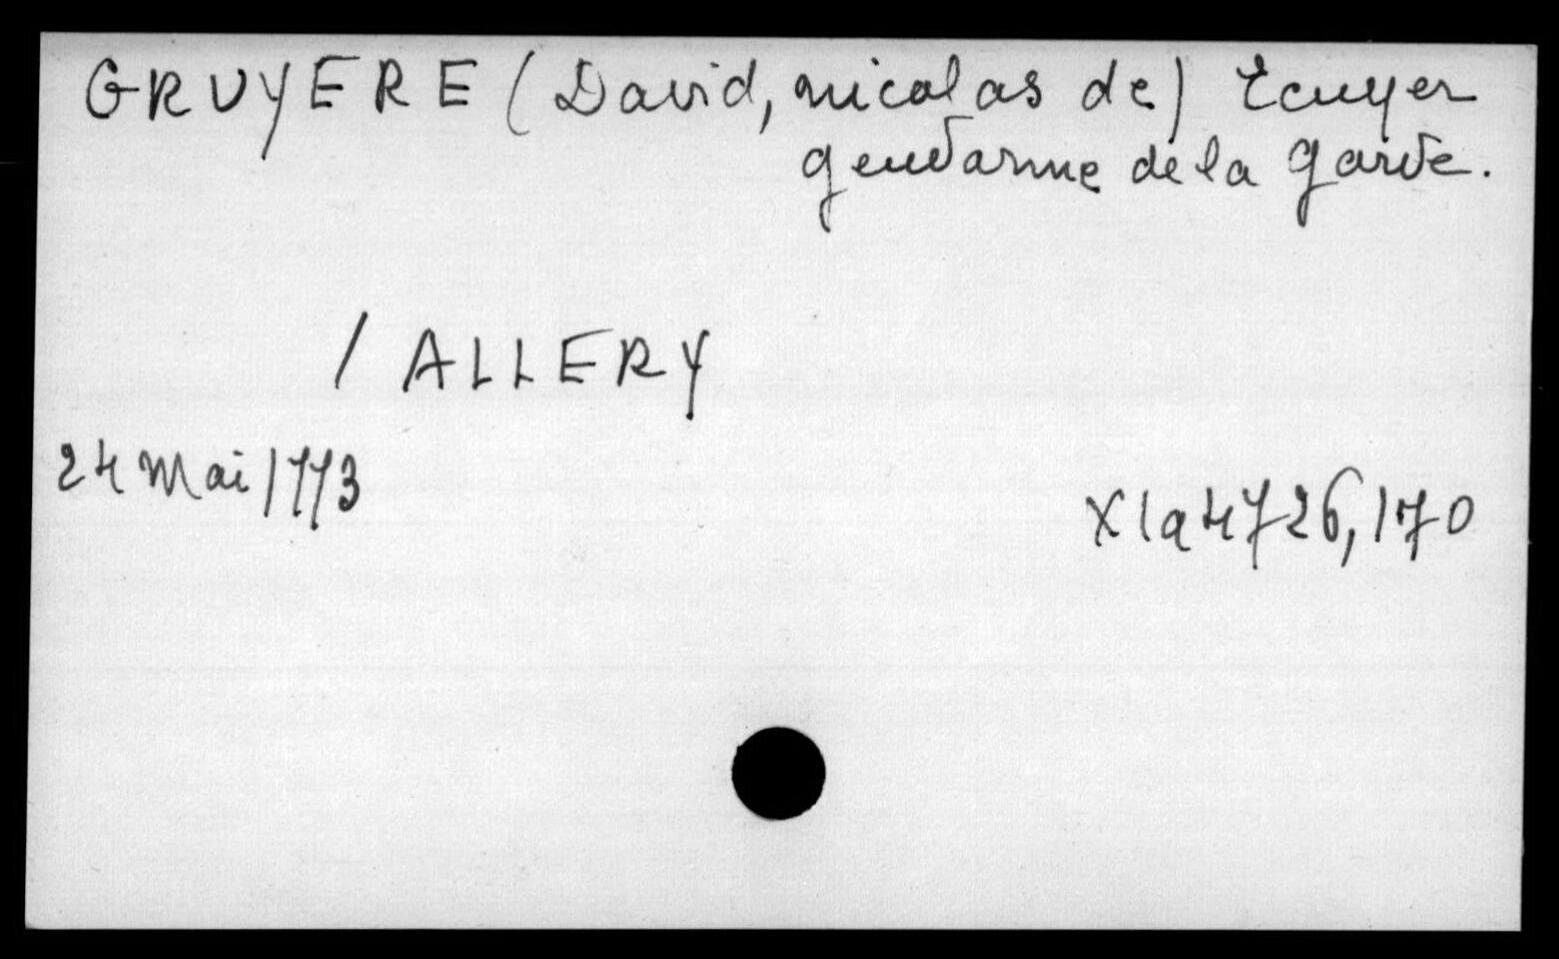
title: GRUYERE (David, Nicolas de), écuyer gendarme de la Garde
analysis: Contre ALLERY
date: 24 mai 1773
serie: X1a
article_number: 4726
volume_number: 170
